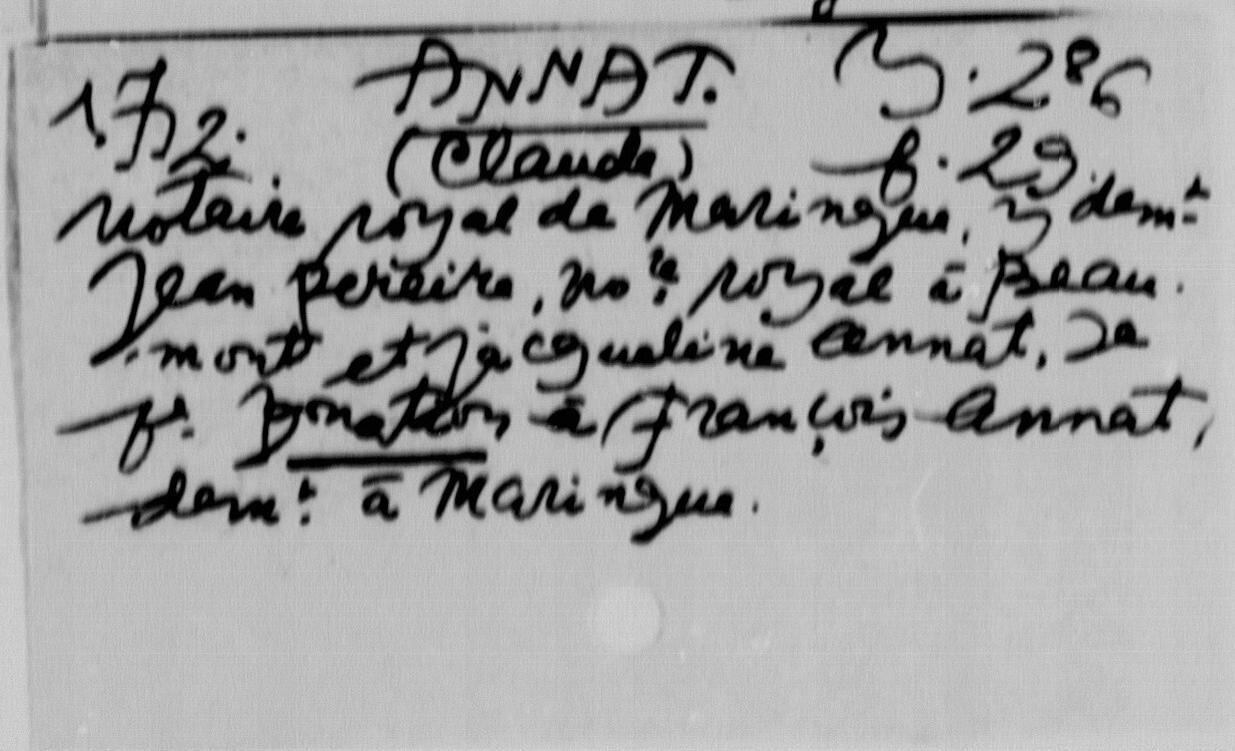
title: ANNAT (Claude)
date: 1712
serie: Y
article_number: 286
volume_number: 29
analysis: Notaire royal de Maringue, y demeurant. Jean PEREIRE, notaire royal à Beaumont, et Jacqueline ANNAT, sa femme. Donation à François ANNAT, demeurant à Maringue.
